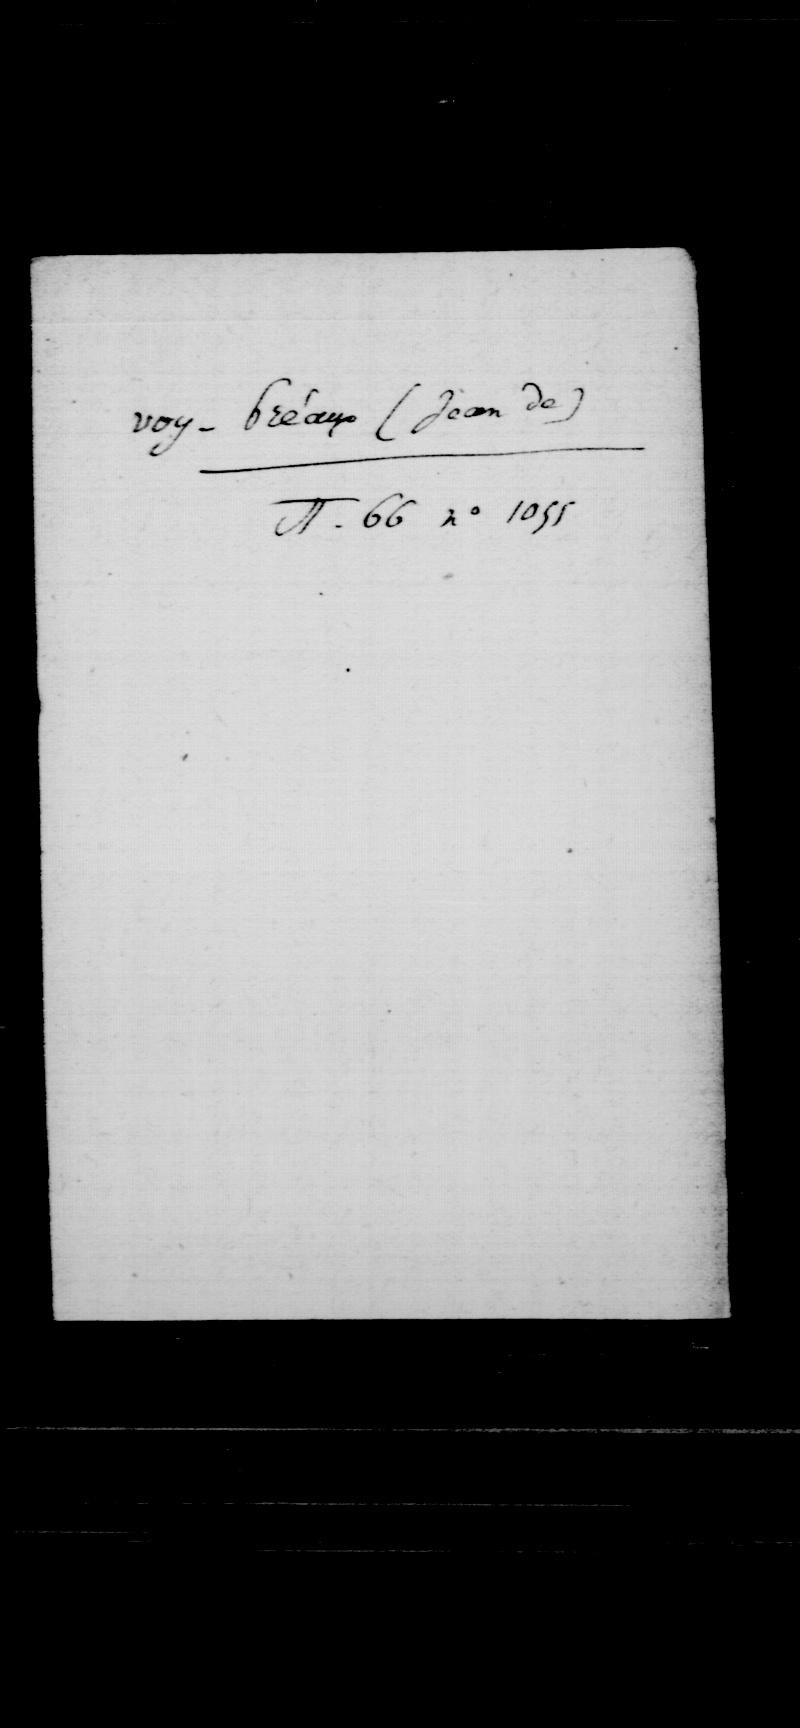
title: Voy. Préaux (Jean de)
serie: JJ
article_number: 66
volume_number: n° 1055
